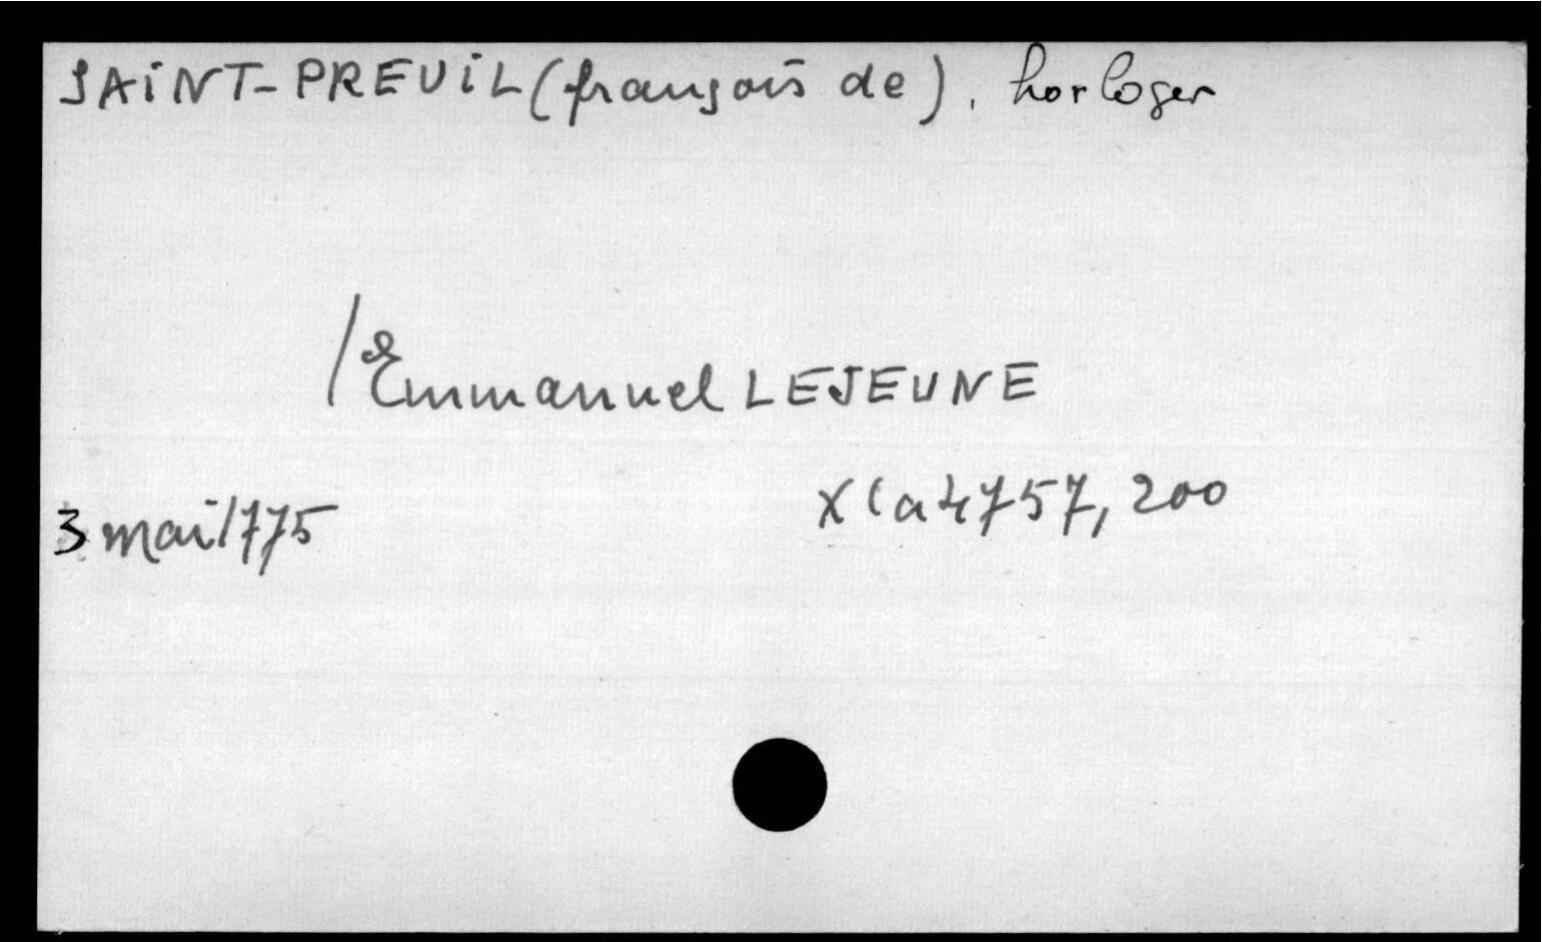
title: SAINT-PREUIL (François de), horloger
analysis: Contre Emmannel LEJEUNE
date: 3 mai 1775
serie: X1a
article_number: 4757
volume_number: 200
